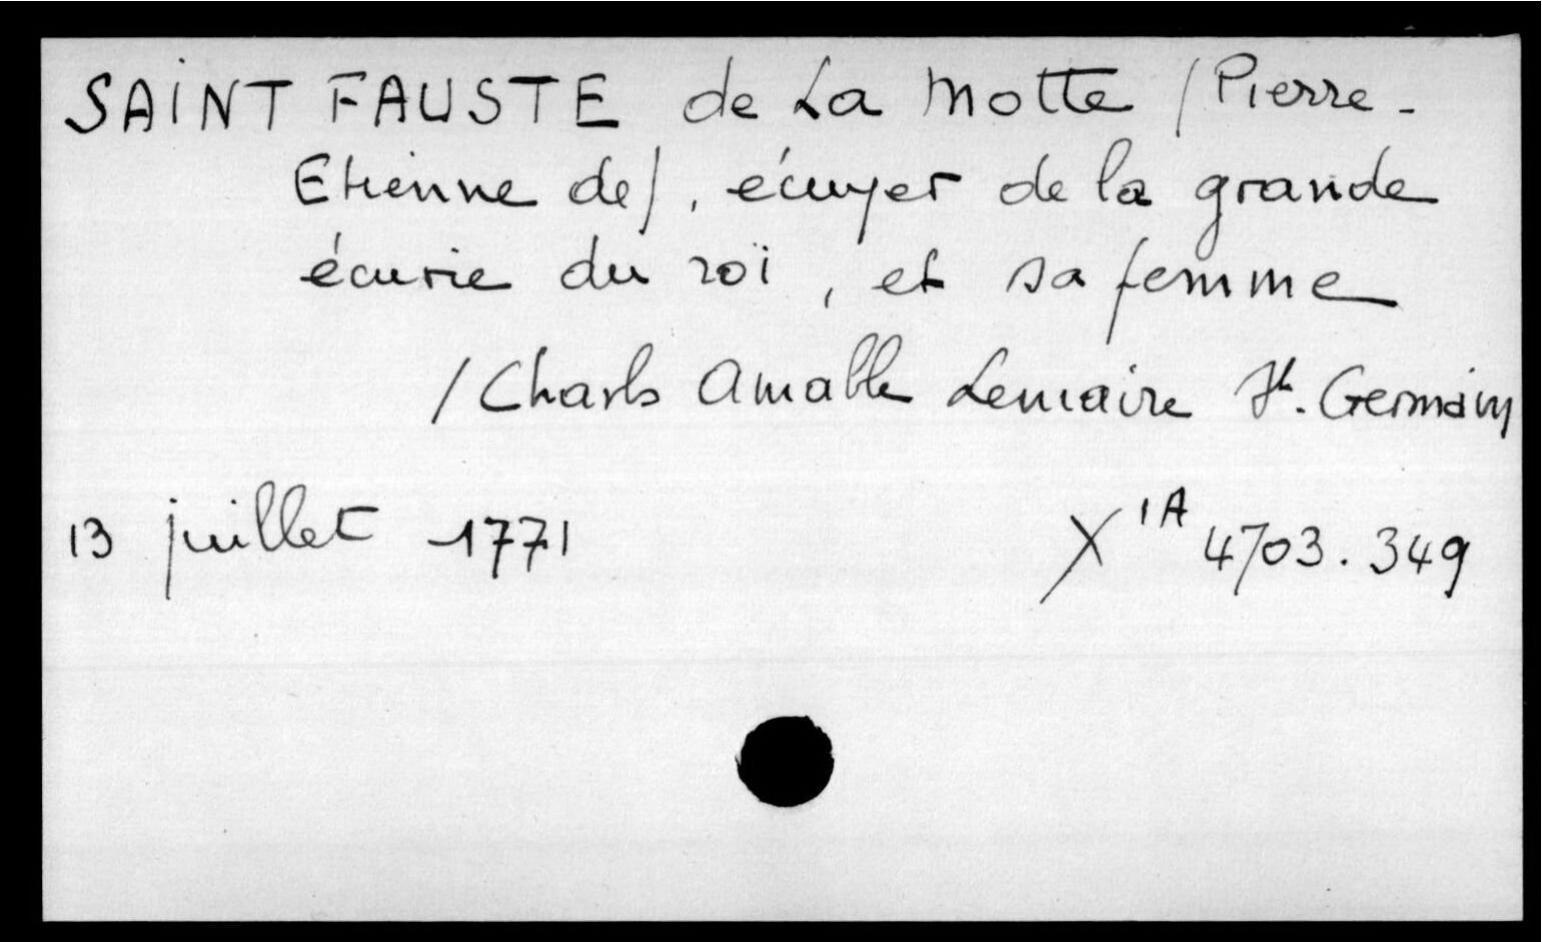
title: SAINT FAUSTE de La Motte (Pierre, Etienne de), écuyer de la grande, écurie du roi, et sa femme
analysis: Contre Charles Amable Lemaire Saint-Germain
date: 13 juillet 1771
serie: X1A
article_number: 4703
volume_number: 349
